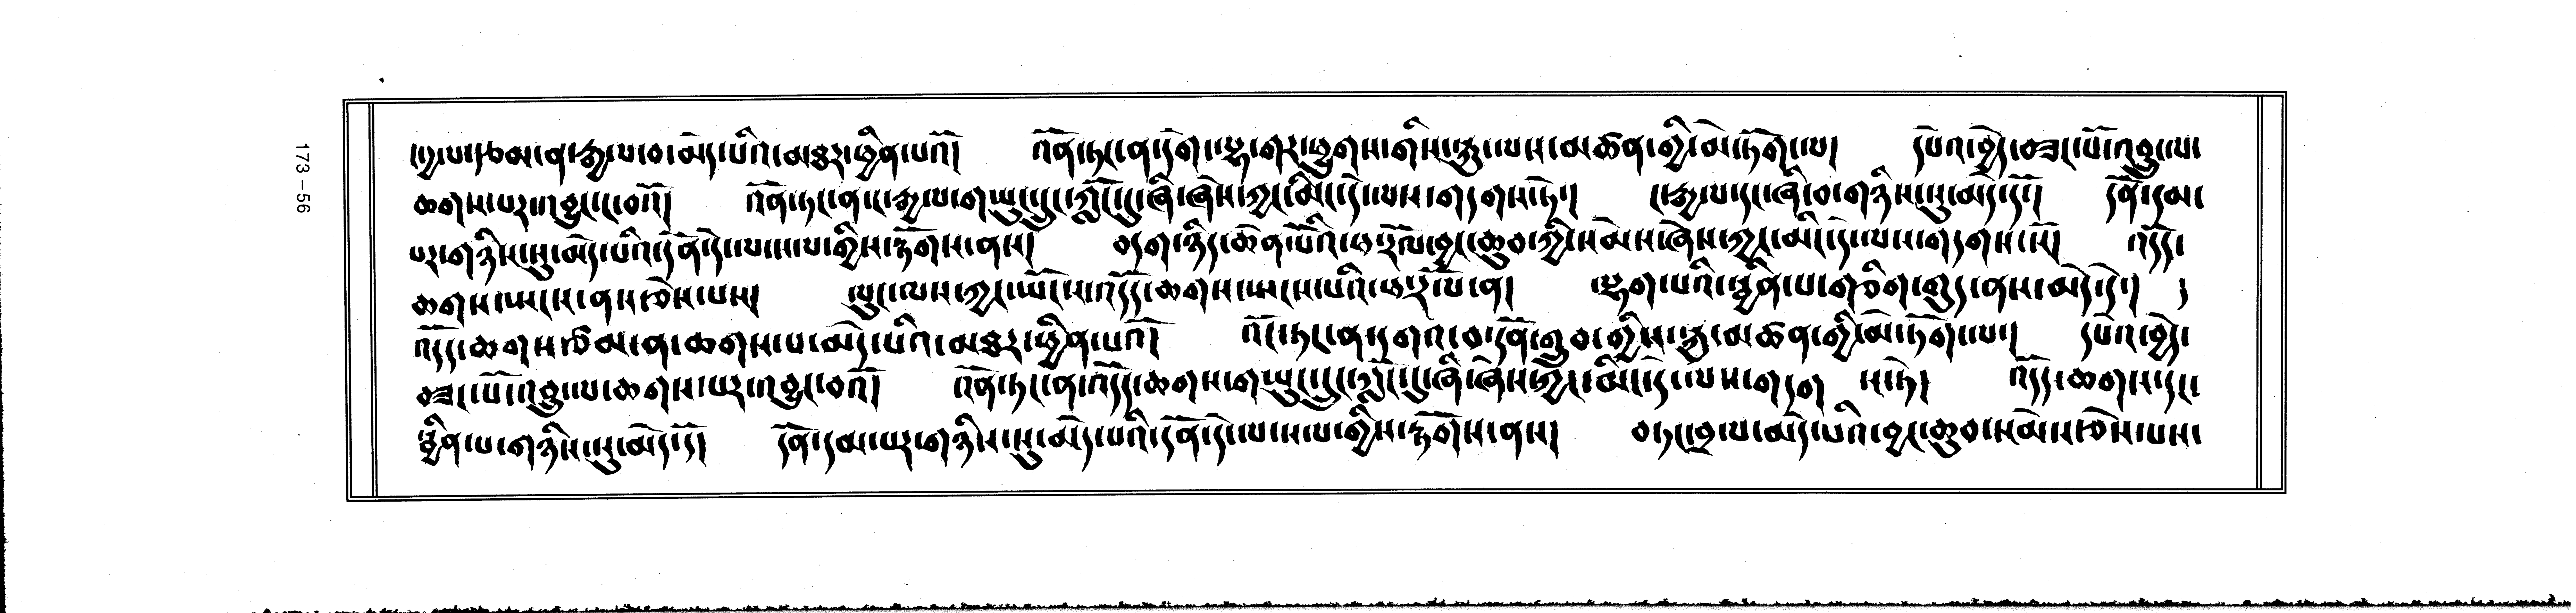ང་རྒྱལ་རྩམ་ན་རྒྱལ་བ་མེད་པའི་མཐར་ཕྱིན་པའོ། །འོན་ཏང་ན་དགེ་ལྷ་གར་ཕྱུག་གི་སྐུ་ལས་མཚན་གྱི་མེ་ཏོག་ལ། དཔེ་བྱད་བཟང་པོ་འབྲུ་
ཆགས་པར་འབྱུང་བའོ། འོན་ཏང་ན་ང་རྒྱལ་གཡུང་དྲུང་ཀློང་དུ་ཞི་ཞེས་ཀྱང་མིང་དེ་ལ་གདགས་ཏེ། ང་རྒྱལ་དང་ཞི་བ་གཉིས་སུ་མེད་དོ། དོན་དམ་
པར་གཉིས་སུ་མེད་པའི་དོན་དེ་ལ་སལ་གྱིས་རྟོགས་ནས། བདག་ཉིད་ཆེན་པོའི་ཕ་རོལ་བྱང་ཆུབ་ཀྱི་སེམས་ཞེས་ཀྱང་མིང་དེ་ལ་གདགས་སོ། །འདོད་
ཆགས་སྤངས་ནས་ཅེས་པས། ལུང་ལས་ཀྱང་། ཡོངས་འདོད་ཆགས་སྤངས་པའི་ཕ་རོལ་ན། ལྷག་པའི་སྦྱིན་པ་གཅིག་གུད་ན་མེད་དོ། 
འདོད་ཆགས་ཙམ་ན་ཆགས་པ་མེད་པའི་མཐར་ཕྱིན་པའོ། འོན་ཏང་ན་དགའ་བ་དོན་གྲུབ་ཀྱི་མཚན་གྱི་མེ་ཏོག་ལ། དཔེ་བྱད་
བཟང་པོ་འབྲུ་ལ་ཆགས་པར་འབྱུང་བའོ། །འོན་ཏང་ན་འདོད་ཆགས་གཡུང་དྲུང་ཀློང་དུ་ཞི་ཞེས་ཀྱང་མིང་དེ་ལ་གདགས་སོ། འདོད་ཆགས་དང་
སྦྱིན་པ་གཉིོས་སུ་མེད་དོ། །དོན་དམ་པར་གཉིས་སུ་མེད་པའི་དོན་དེ་ལ་སལ་གྱིས་རྟོགས་ནས། བཏང་བྲལ་མེད་པའི་བྱང་ཆུབ་སེམས་ཅེས་པས་